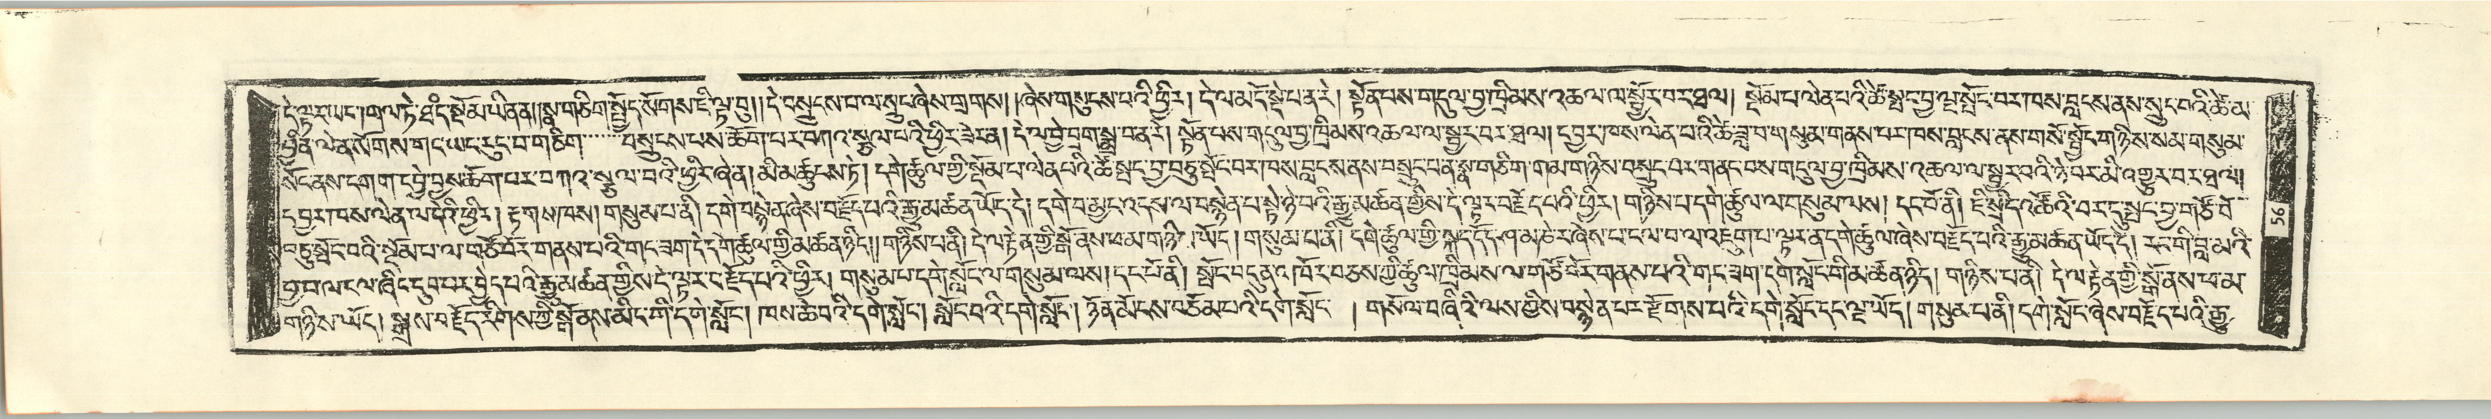དེ་ལྟར་ཡང་། གལ་ཏེ་ཐམས་ཅད་སྡོམ་ཡིན་ན། །སྣ་གཅིག་སྤྱོད་སོགས་ཇི་ལྟ་བུ། །དེ་བསྲུངས་བ་ལ་སྲུང་ཞེས་གྲགས། །ཞེས་གསུངས་པའི་ཕྱིར། དེ་ལ་མདོ་སྡེ་པ་ན་རེ། སྟོན་པས་གདུལ་བྱ་ཁྲིམས་འཆལ་ལ་སྦྱོར་བར་ཐལ། སྡོམ་པ་ལེན་པའི་ཚེ་སྤང་བྱ་ལྔ་སྤོང་བར་ཁས་བླངས་ནས་སྲུང་བའི་ཚེ་མ་
བྱིན་ལེན་སོགས་གང་ཡང་རུང་བ་གཅིག་བསྲུངས་པས་ཆོག་པར་བཀའ་སྩལ་པའི་ཕྱིར་ཟེར་ན། དེ་ལ་བྱེ་བྲག་སྨྲ་བ་ན་རེ། སྟོན་པས་གདུལ་བྱ་ཁྲིམས་འཆལ་ལ་སྦྱར་བར་ཐལ། དབྱར་ཁས་ལེན་པའི་ཚེ་ཟླ་བ་གསུམ་གནས་པར་ཁས་བླངས་ནས་གསོ་སྦྱོང་གཉིས་སམ་གསུམ་
སོང་ནས་དགག་དབྱེ་བྱས་ཆོག་པར་བཀའ་སྩལ་བའི་ཕྱིར་ཞེ་ན། མི་མཚུངས་ཏེ། དགེ་ཚུལ་གྱི་སྡོམ་པ་ལེན་པའི་ཚེ་སྤང་བྱ་བཅུ་སྤང་བར་ཁས་བླངས་ནས་བསྲུང་པ་ན་སྣ་གཅིག་གམ་གཉིས་བསྲུང་བར་གནང་བས་གདུལ་བྱ་ཁྲིམས་འཆལ་ལ་སྦྱར་བའི་ཉེ་བར་མི་འགྱུར་བར་ཐལ།
དབྱར་ཁས་ལེན་ལ་དེའི་ཕྱིར། རྟགས་ཁས། གསུམ་པ་ནི། དགེ་བསྙེན་ཞེས་བརྗོད་པའི་རྒྱུ་མཚན་ཡོད་དེ། དགེ་བ་མྱང་འདས་ལ་བསྙེན་པ་སྟེ་ཉེ་བའི་རྒྱུ་མཚན་གྱིས་དེ་ལྟར་བརྗོད་པའི་ཕྱིར། གཉིས་པ་དགེ་ཚུལ་ལ་གསུམ་ལས། དང་པོ་ནི། ཇི་སྲིད་འཚོའི་བར་དུ་སྤང་བྱ་གཙོ་བོ་
བཅུ་སྤོང་བའི་སྡོམ་པ་ལ་གཙོ་བོར་གནས་པའི་གང་ཟག་དེ་དགེ་ཚུལ་གྱི་མཚན་ཉིད། །གཉིས་པ་ནི། དེ་ལ་རྟེན་གྱི་སྒོ་ནས་ཕ་མ་གཉིས་ཡོད། གསུམ་པ་ནི། དགེ་ཚུལ་གྱི་སྐད་དོད་ཤ་མ་ཎེ་ར་ཞེས་པ་ངལ་བ་ལ་འཇུག་པ་ལྟར་ན་དགེ་ཚུལ་ཞེས་བརྗོད་པའི་རྒྱུ་མཚན་ཡོད་དེ། རང་གི་བླ་མའི་
བྱ་བ་ལ་ངལ་ཞིང་དུབ་བར་བྱེད་པའི་རྒྱུ་མཚན་གྱིས་དེ་ལྟར་བརྗོད་པའི་ཕྱིར། གསུམ་པ་དགེ་སློང་ལ་གསུམ་ལས། དང་པོ་ནི། སྤོང་བདུན་འཁོར་བཅས་ཀྱི་ཚུལ་ཁྲིམས་ལ་གཙོ་བོར་གནས་པའི་གང་ཟག་དགེ་སློང་གི་མཚན་ཉིད། གཉིས་པ་ནི། དེ་ལ་རྟེན་གྱི་སྒོ་ནས་ཕ་མ་
གཉིས་ཡོད། སྒྲས་བརྗོད་རིགས་ཀྱི་སྒོ་ནས་མིང་གི་དགེ་སློང་། ཁས་ཆེ་བའི་དགེ་སློང་། སློང་བའི་དགེ་སློང་། ཉོན་མོངས་བཅོམ་པའི་དགེ་སློང་། གསོལ་བཞིའི་ལས་ཀྱིས་བསྙེན་པར་རྫོགས་པའི་དགེ་སློང་དང་ལྔ་ཡོད། གསུམ་པ་ནི། དགེ་སློང་ཞེས་བརྗོད་པའི་རྒྱུ་